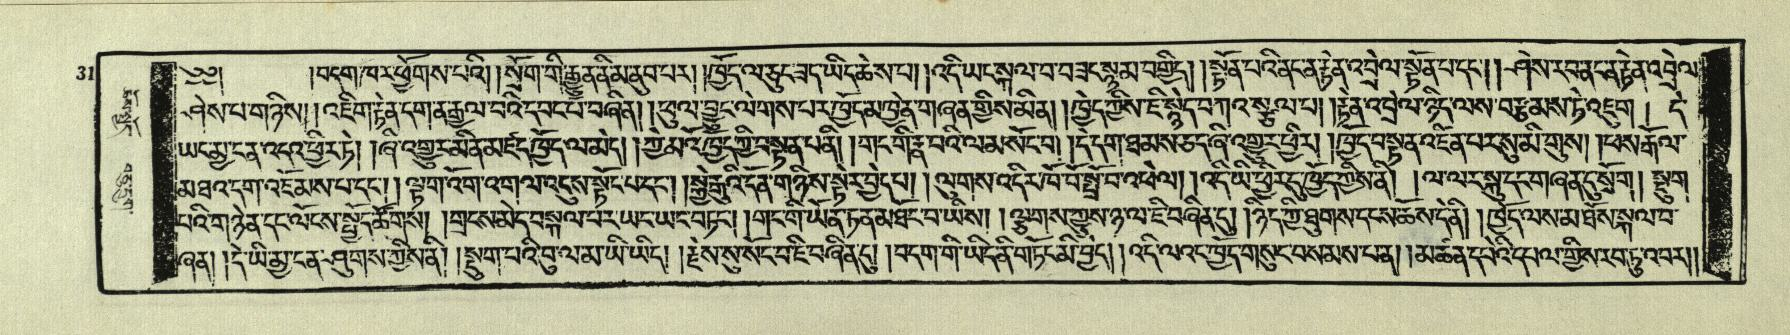༄༅། །བདག་ཁར་ཕྱོགས་པའི། །སྲོག་གི་རྒྱུན་ནི་མ་ནུབ་པར། །ཁྱོད་ལ་ཅུང་ཟད་ཡིད་ཆེས་པ། །འདི་ཡང་སྐལ་བ་བཟང་སྙམ་བགྱིད། །སྟོན་པའི་ནང་ན་རྟེན་འབྲེལ་སྟོན་པ་དང་། །ཤེས་རབ་ནང་ན་རྟེན་འབྲེལ་
ཤེས་པ་གཉིས། །འཇིག་རྟེན་དག་ན་རྒྱལ་བའི་དབང་པོ་བཞིན། །ཕུལ་བྱུང་ལེགས་པར་ཁྱོད་མཁྱེན་གཞན་གྱིས་མིན། །ཁྱེད་ཀྱིས་ཇི་སྙེད་བཀའ་སྩལ་པ། །རྟེན་འབྲེལ་ཉིད་ལས་བརྩམས་ཏེ་འཇུག། དེ་
ཡང་མྱ་ངན་འདའ་ཕྱིར་ཏེ། །ཞི་འགྱུར་མིན་མཛད་ཁྱོད་ལ་མེད། །ཀྱེ་མའོ་ཁྱོད་ཀྱི་བསྟན་པ་ནི། །གང་གི་རྣ་བའི་ལམ་སོང་བ། །དེ་དག་ཐམས་ཅད་ཞི་འགྱུར་ཕྱིར། །ཁྱོད་བསྟན་འཛིན་པར་སུ་མི་གུས། །ཕས་རྒོལ་
མཐའ་དག་འཇོམས་པ་དང་། །ལྟག་འོག་འགལ་འདུས་སྟོང་པ་དང་། །སྐྱེ་རྒུའི་དོན་གཉིས་སྟེར་བྱེད་པ། །ལུགས་འདིར་ཁོ་བོ་སྤྲོ་བ་འཕེལ། །འདི་ཡི་ཕྱིར་དུ་ཁྱོད་ཀྱིས་ནི། །ལ་ལར་སྐུ་དང་གཞན་དུ་སྲོག། སྡུག་
པའི་གཉེན་དང་ལོངས་སྤྱོད་ཚོགས། །གྲངས་མེད་བསྐལ་པར་ཡང་ཡང་བཏང་། །གང་གི་ཡོན་ཏན་མཐོང་བ་ཡིས། །ལྕགས་ཀྱུས་ཉ་ལ་ཇི་བཞིན་དུ། །ཉིད་ཀྱི་ཐུགས་དངས་ཆོས་དེ་ནི། །ཁྱོད་ལས་མ་ཐོས་སྐལ་བ་
ཞན། །དེ་ཡི་མྱ་ངན་ཤུགས་ཀྱིས་ནི། །སྡུག་པའི་བུ་ལ་མ་ཡི་ཡིད། །རྗེས་སུ་སོང་བ་ཇི་བཞིན་དུ། །བདག་གི་ཡིད་ནི་གཏོང་མི་བྱེད། །འདི་ལའང་ཁྱོད་གསུང་བསམས་པ་ན། །མཚན་དཔེའི་དཔལ་གྱིས་རབ་ཏུ་འབར།།